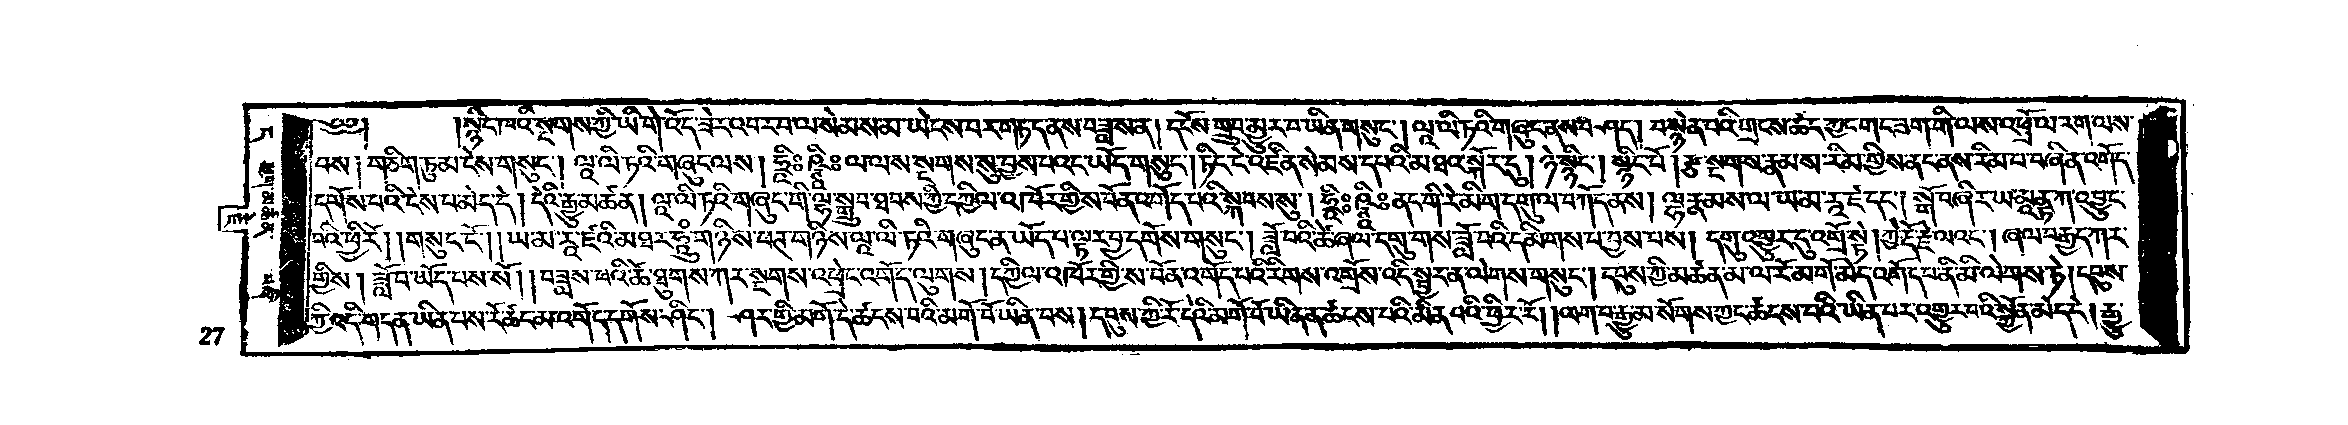༄༅། །སྙིང་གའི་སྔགས་ཀྱི་ཡི་གེ་འོད་ཟེར་འབར་བ་ལ་སེམས་མ་ཡེངས་པར་གཏད་ནས་བཟླས་ན། དངོས་གྲུབ་མྱུར་བ་ཡིན་གསུང་། ལཱ་ལི་ཏའི་གཞུང་ནས་བཤད། བསྙེན་པའི་གྲངས་ཚད་ཀྱང་གང་ཟག་གི་ལས་འཕྲོ་ལ་རག་ལས་
པས། གཅིག་ཏུ་མ་ངེས་གསུང་། ལཱ་ལི་ཏའི་གཞུང་ལས། ཧྲཱིཿ ཥྚཱིཿ ལ་ལས་སྔགས་སུ་བྱས་པའང་ཡོད་གསུང་། ཏིང་ངེ་འཛིན་སེམས་དཔའི་མཐའ་སྐོར་དུ། ཉེ་སྙིང་། སྙིང་པོ། རྩ་སྔགས་རྣམས་རིམ་གྱིས་ནང་ནས་རིམ་པ་བཞིན་འགོད་
དགོས་པའི་ངེས་པ་མེད་དེ། དེའི་རྒྱུ་མཚན། ལཱ་ལི་ཏའི་གཞུང་གི་ལྷ་སྒྲུབ་ཐབས་ཀྱི་དཀྱིལ་འཁོར་གྱི་ས་བོན་འགོད་པའི་སྐབས་སུ། ཧྲཱིཿ ཥྚཱིཿ ནང་གི་རེ་མིག་དགུ་ལ་བཀོད་ནས། ལྷ་རྣམས་ལ་ཡ་མ་རཱ་ཛ་དང་། སྒོ་བཞིར་ཡ་མཱནྟ་ཀ་འབྱུང་
བའི་ཕྱིར་རོ། །གསུང་ངོ། །ཡ་མ་རཱ་ཛའི་མཐར་ཧཱུཾ་གཉིས་ཕཊ་གཉིས་ལཱ་ལི་ཏའི་གཞུང་ན་ཡོད་པ་ལྟར་བྱ་དགོས་གསུང་། ཟློ་བའི་ཚེ་ཞལ་དགུ་གས་ཟློ་བའི་དམིགས་པ་བྱས་པས། དགུ་འགྱུར་དུ་འགྲོ་སྟེ། ཀྱེ་རྡོ་རྗེ་ལའང་། ཞལ་བརྒྱད་དཀར་
གྱིས། ཟློ་བ་ཡོད་པས་སོ། །བཟླས་པའི་ཚེ་ཐུགས་ཀར་སྔགས་འཕྲེང་འགོད་ལུགས། དཀྱིལ་འཁོར་གྱི་ས་བོན་འགོད་པའི་རིགས་འགྲོས་འདི་སྦྱར་ན་ལེགས་གསུང་། དབུས་ཀྱི་མཚན་མ་ལ་རོ་མགོ་མེད་འགོད་མེད་འགོད་པ་ནི་མི་ལེགས་ཏེ། དབུས་
ཀྱི་འདི་གདན་ཡིན་པས་རོ་ཚང་མ་འགོད་དགོས་ཤིང་། ཤར་གྱི་མགོ་དེ་ཚངས་བའི་མགོ་བོ་ཡིན་པས། དབུས་ཀྱི་རོ་དེའི་མགོ་བོ་ཡིན་ན་ཚངས་པའི་མིན་པའི་ཕྱིར་རོ། །ལག་པ་རྒྱུ་མ་སོགས་ཀྱང་ཚངས་པའི་ཡིན་པར་འགྱུར་བའི་སྐྱོན་མེད་དེ། རྒྱུ་